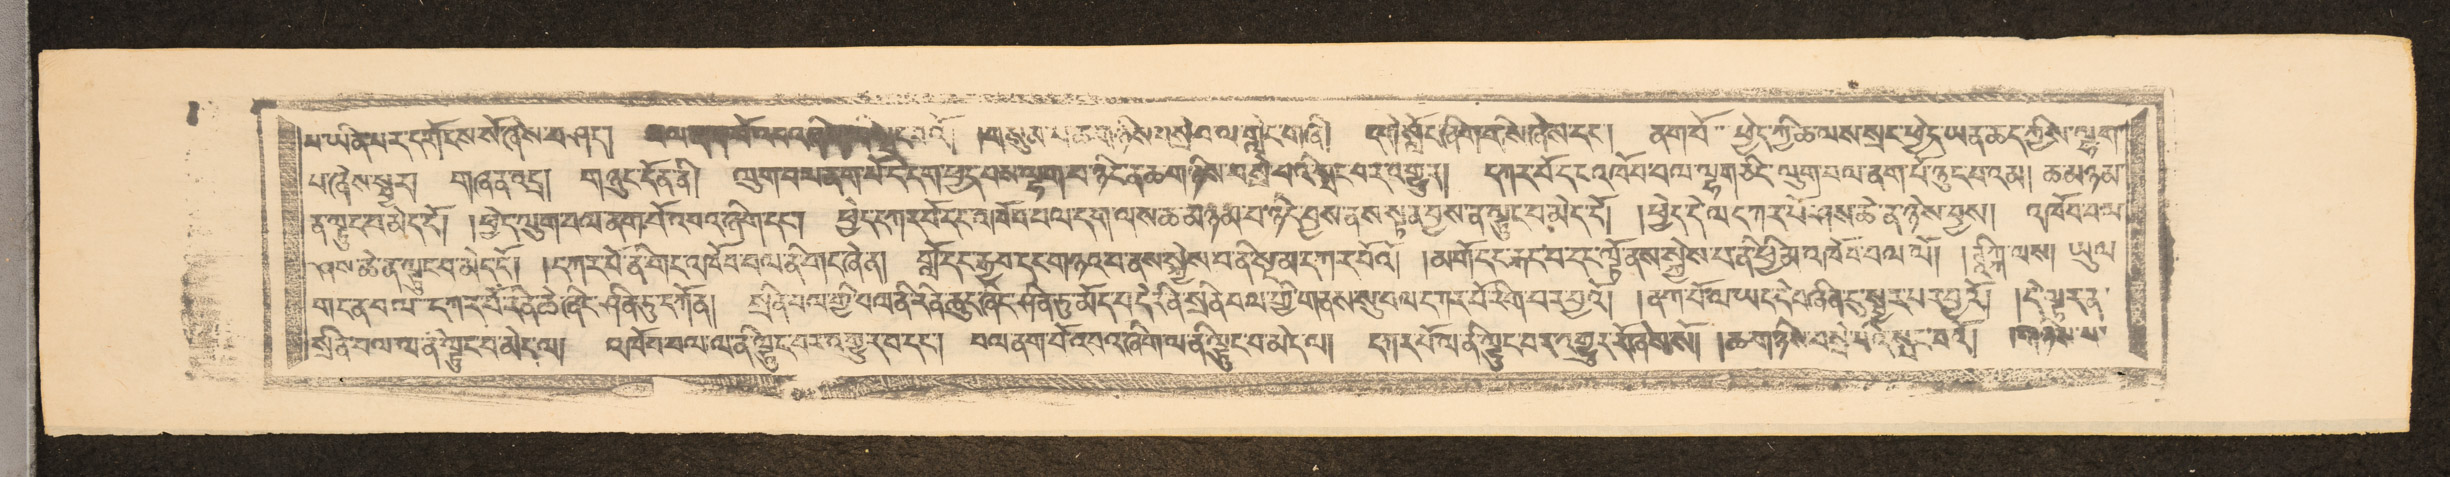པ་ཡིན་པར་དགོངས་སོ་ཞེས་བཤད། བལ་ནག་པོ་འབའ་ཞིག་གི་སྤང་པའོ། །གསུམ་པ་ཆ་གཉིས་བསྲེ་བ་ལ་གླིང་གཞི། དགེ་སློང་ཞིག་གིས་ཞེས་དང་། ནག་པོ་ལ་ཕྱེད་ཀྱི་ཆ་ལས་སྲང་ཕྱེད་ཡན་ཆད་ཀྱིས་ལྷག་
པ་ཞེས་སྦྱར། གཞན་འདྲ། གཞུང་དོན་ནི། ལུག་བལ་ནག་པོ་དེ་དག་ཕྱེད་པས་ལྷག་པ་ཉིད་ན་ཆ་གཉིས་པ་སྲེ་བའི་སྤང་བར་འགྱུར། དཀར་པོ་དང་འཁོབ་བལ་ལྷག་ཅིང་ལུག་བལ་ནག་པོ་ཉུང་བའམ། ཆ་མཉམ་
ན་ལྟུང་བ་མེད་དོ། །ཕྱེད་ལུག་བལ་ནག་པོ་འབའ་ཞིག་དང་། ཕྱེད་དཀར་པོ་དང་འཁོབ་བལ་དག་ལས་ཆ་མཉམ་པ་ཉིད་བྱས་ནས་སྟན་བྱས་ན་ལྟུང་བ་མེད་དོ། །ཕྱེད་དེ་ལ་དཀར་པོ་ཤས་ཆེ་ན་ཉེས་བྱས། འཁོབ་བལ་
ཤས་ཆེ་ན་ལྟུང་བ་མེད་དོ། །དཀར་པོ་ནི་གང་འཁོབ་བལ་ནི་གང་ཞེ་ན། གློ་དང་རྒྱབ་དང་གཉའ་བ་ནས་སྐྱེས་པ་ནི་སྔ་མ་དཀར་པོའོ། །མགོ་དང་རྐང་པ་དང་ལྟོ་ནས་སྐྱེས་པ་ནི་ཕྱི་མ་འཁོབ་བལ་ལོ། །ཊཱིཀྐ་ལས། ཡུལ་
གང་ན་བ་ལ་དཀར་པོ་རིན་ཆེ་ཞིང་ཤིན་ཏུ་དཀོན། སྲིན་བལ་གྱི་བལ་ནི་རིན་ཆུང་ཞིང་ཤིན་ཏུ་མོད་པ་དེར་ནི་སྲིན་བལ་གྱི་གནས་སུ་བལ་དཀར་པོ་རིག་པར་བྱའོ། །ནག་པོ་ལ་ཡང་དེ་བཞིན་དུ་སྦྱར་བར་བྱའོ། །དེ་ལྟར་ན་
སྲིན་བལ་ལ་ནི་ལྟུང་བ་མེད་ལ། འཁོབ་བལ་ལ་ནི་ལྟུང་བར་འགྱུར་བ་དང་། བལ་ནག་པོ་འབའ་ཞིག་ལ་ནི་ལྟུང་བ་མེད་ལ། དཀར་པོ་ལ་ནི་ལྟུང་བར་འགྱུར་རོ་ཞེས་སོ། །ཆ་གཉིས་བསྲེ་བའི་སྤང་བའོ། །གཉིས་པ་